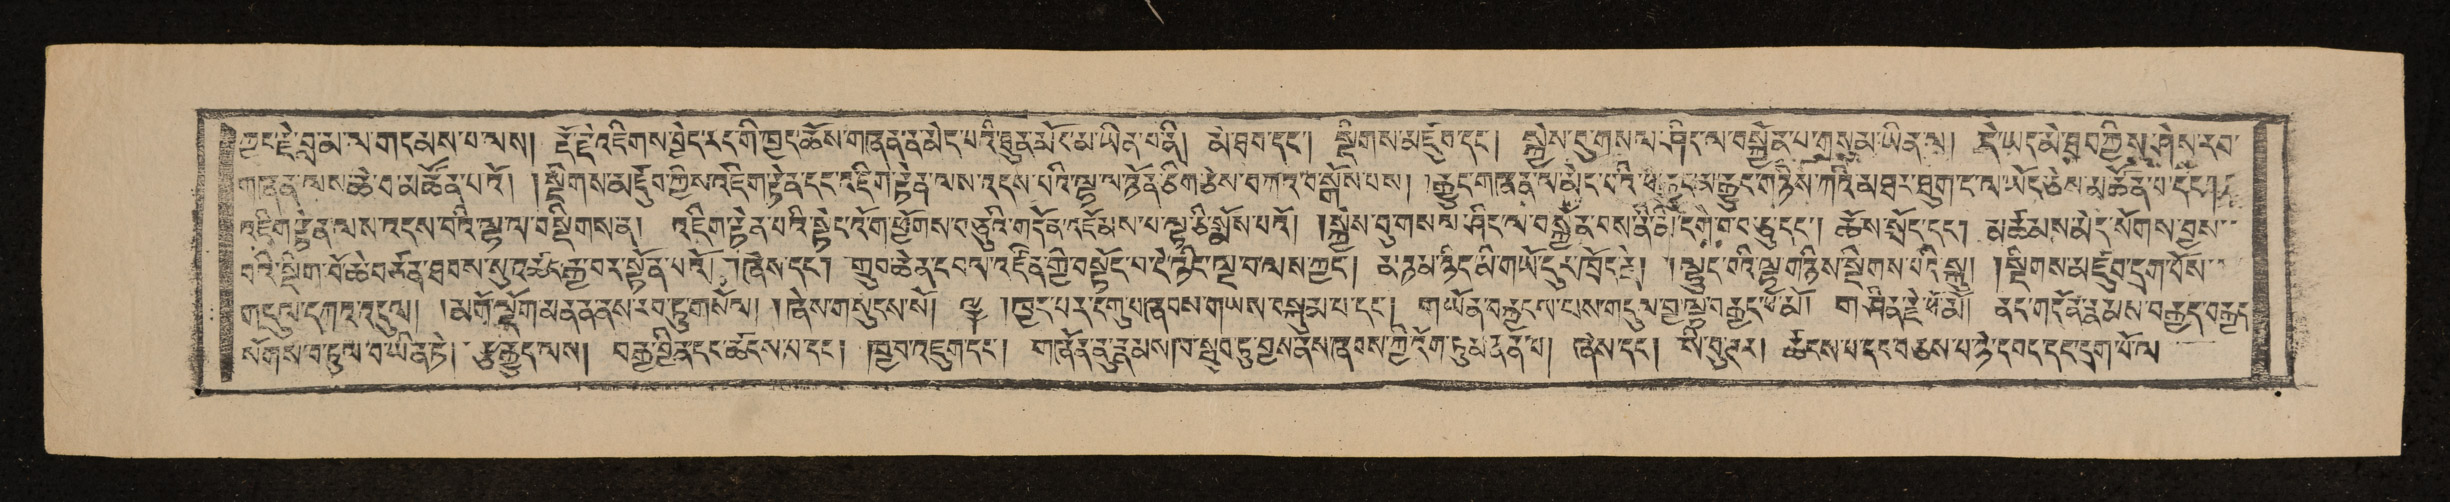ཀྱང་རྗེ་བླ་མ་ལ་གདམས་པ་ལས། རྡོ་རྗེ་འཇིགས་བྱེད་རང་གི་ཁྱད་ཆོས་གཞན་ན་མེད་པའི་ཐུན་མོང་མ་ཡིན་པ་ནི། མེ་ཐབ་དང་། སྡིགས་མཛུབ་དང་། སྐྱེས་བུ་གསལ་ཤིང་ལ་བསྐྱོན་པ་གསུམ་ཡིན་ལ། དེ་ཡང་མེ་ཐབ་ཀྱིས་ཤེས་རབ་
གཞན་ལས་ཆེ་བ་མཚོན་པའོ། །སྡིགས་མཛུབ་ཀྱིས་འཇིག་རྟེན་དང་འཇིག་རྟེན་ལས་འདས་པའི་ལྷ་ལ་ཉོན་ཅིག་ཅེས་བཀའ་བསྒོས་བས། རྒྱུད་གཞན་ལ་མེད་པའི་ཕ་རྒྱུད་མ་རྒྱུད་གཉིས་ཀའི་མཐར་ཐུག་ང་ལ་ཡོད་ཅེས་མཚོན་པ་དང་།
འཇིག་རྟེན་ལས་འདས་པའི་ལྷ་ལ་བསྡིགས་ན། འཇིག་རྟེན་པའི་སྟེང་འོག་ཕྱོགས་བཅུའི་གདོན་འཇོམས་པ་ལྟ་ཅི་སྨོས་པའོ། །སྐྱེས་བུ་གསལ་ཤིང་ལ་བསྐྱོན་པས་ནི་མི་དགེ་བ་བཅུ་དང་། ཆོས་སྤོང་དང་། མཚམས་མེད་སོགས་བྱས་
པའི་སྡིག་པོ་ཆེ་བཙན་ཐབས་སུ་འཚང་རྒྱ་བར་སྟོན་པའོ། །ཞེས་དང་། གྲུབ་ཆེན་དཔལ་འཛིན་གྱི་བསྟོད་པ་དེ་ཉིད་ལྔ་པ་ལས་ཀྱང་། མཉམ་ཉིད་མི་གཡོ་དུར་ཁྲོད་རྗེ། །ལྷུང་བའི་ལྷ་གཉིས་སྡིགས་པའི་སྐུ། །སྡིགས་མཛུབ་དྲག་པོས་
གདུལ་དཀའ་འདུལ། །མགོ་ལྡོག་མནན་ནས་རབ་ཏུ་གསོལ། །ཞེས་གསུངས་སོ། ༈ །ཁྱད་པར་དགུ་བ་ཞབས་གཡས་བསྐུམ་པ་དང་། གཡོན་བརྐྱངས་པས་གདུལ་བྱ་ལྷ་བརྒྱད་ཕོ་མོ། གཤིན་རྗེ་ཕོ་མོ། ནད་གདོན་རྣམས་བརྒྱད་བརྒྱད་
སོགས་བཏུལ་བ་ཡིན་ཏེ། རྩ་རྒྱུད་ལས། བརྒྱ་བྱིན་དང་ཚངས་པ་དང་། ཁྱབ་འཇུག་དང་། གཞོན་ནུ་རྣམས་ཁ་སྦུབ་ཏུ་བྱས་ནས་ཞབས་ཀྱི་འོག་ཏུ་མནན་པ། ཞེས་དང་། སཾ་བུ་ཊར། ཚངས་པ་དང་བཅས་པ་ཉེ་དབང་དང་དྲག་པོ་ལ་